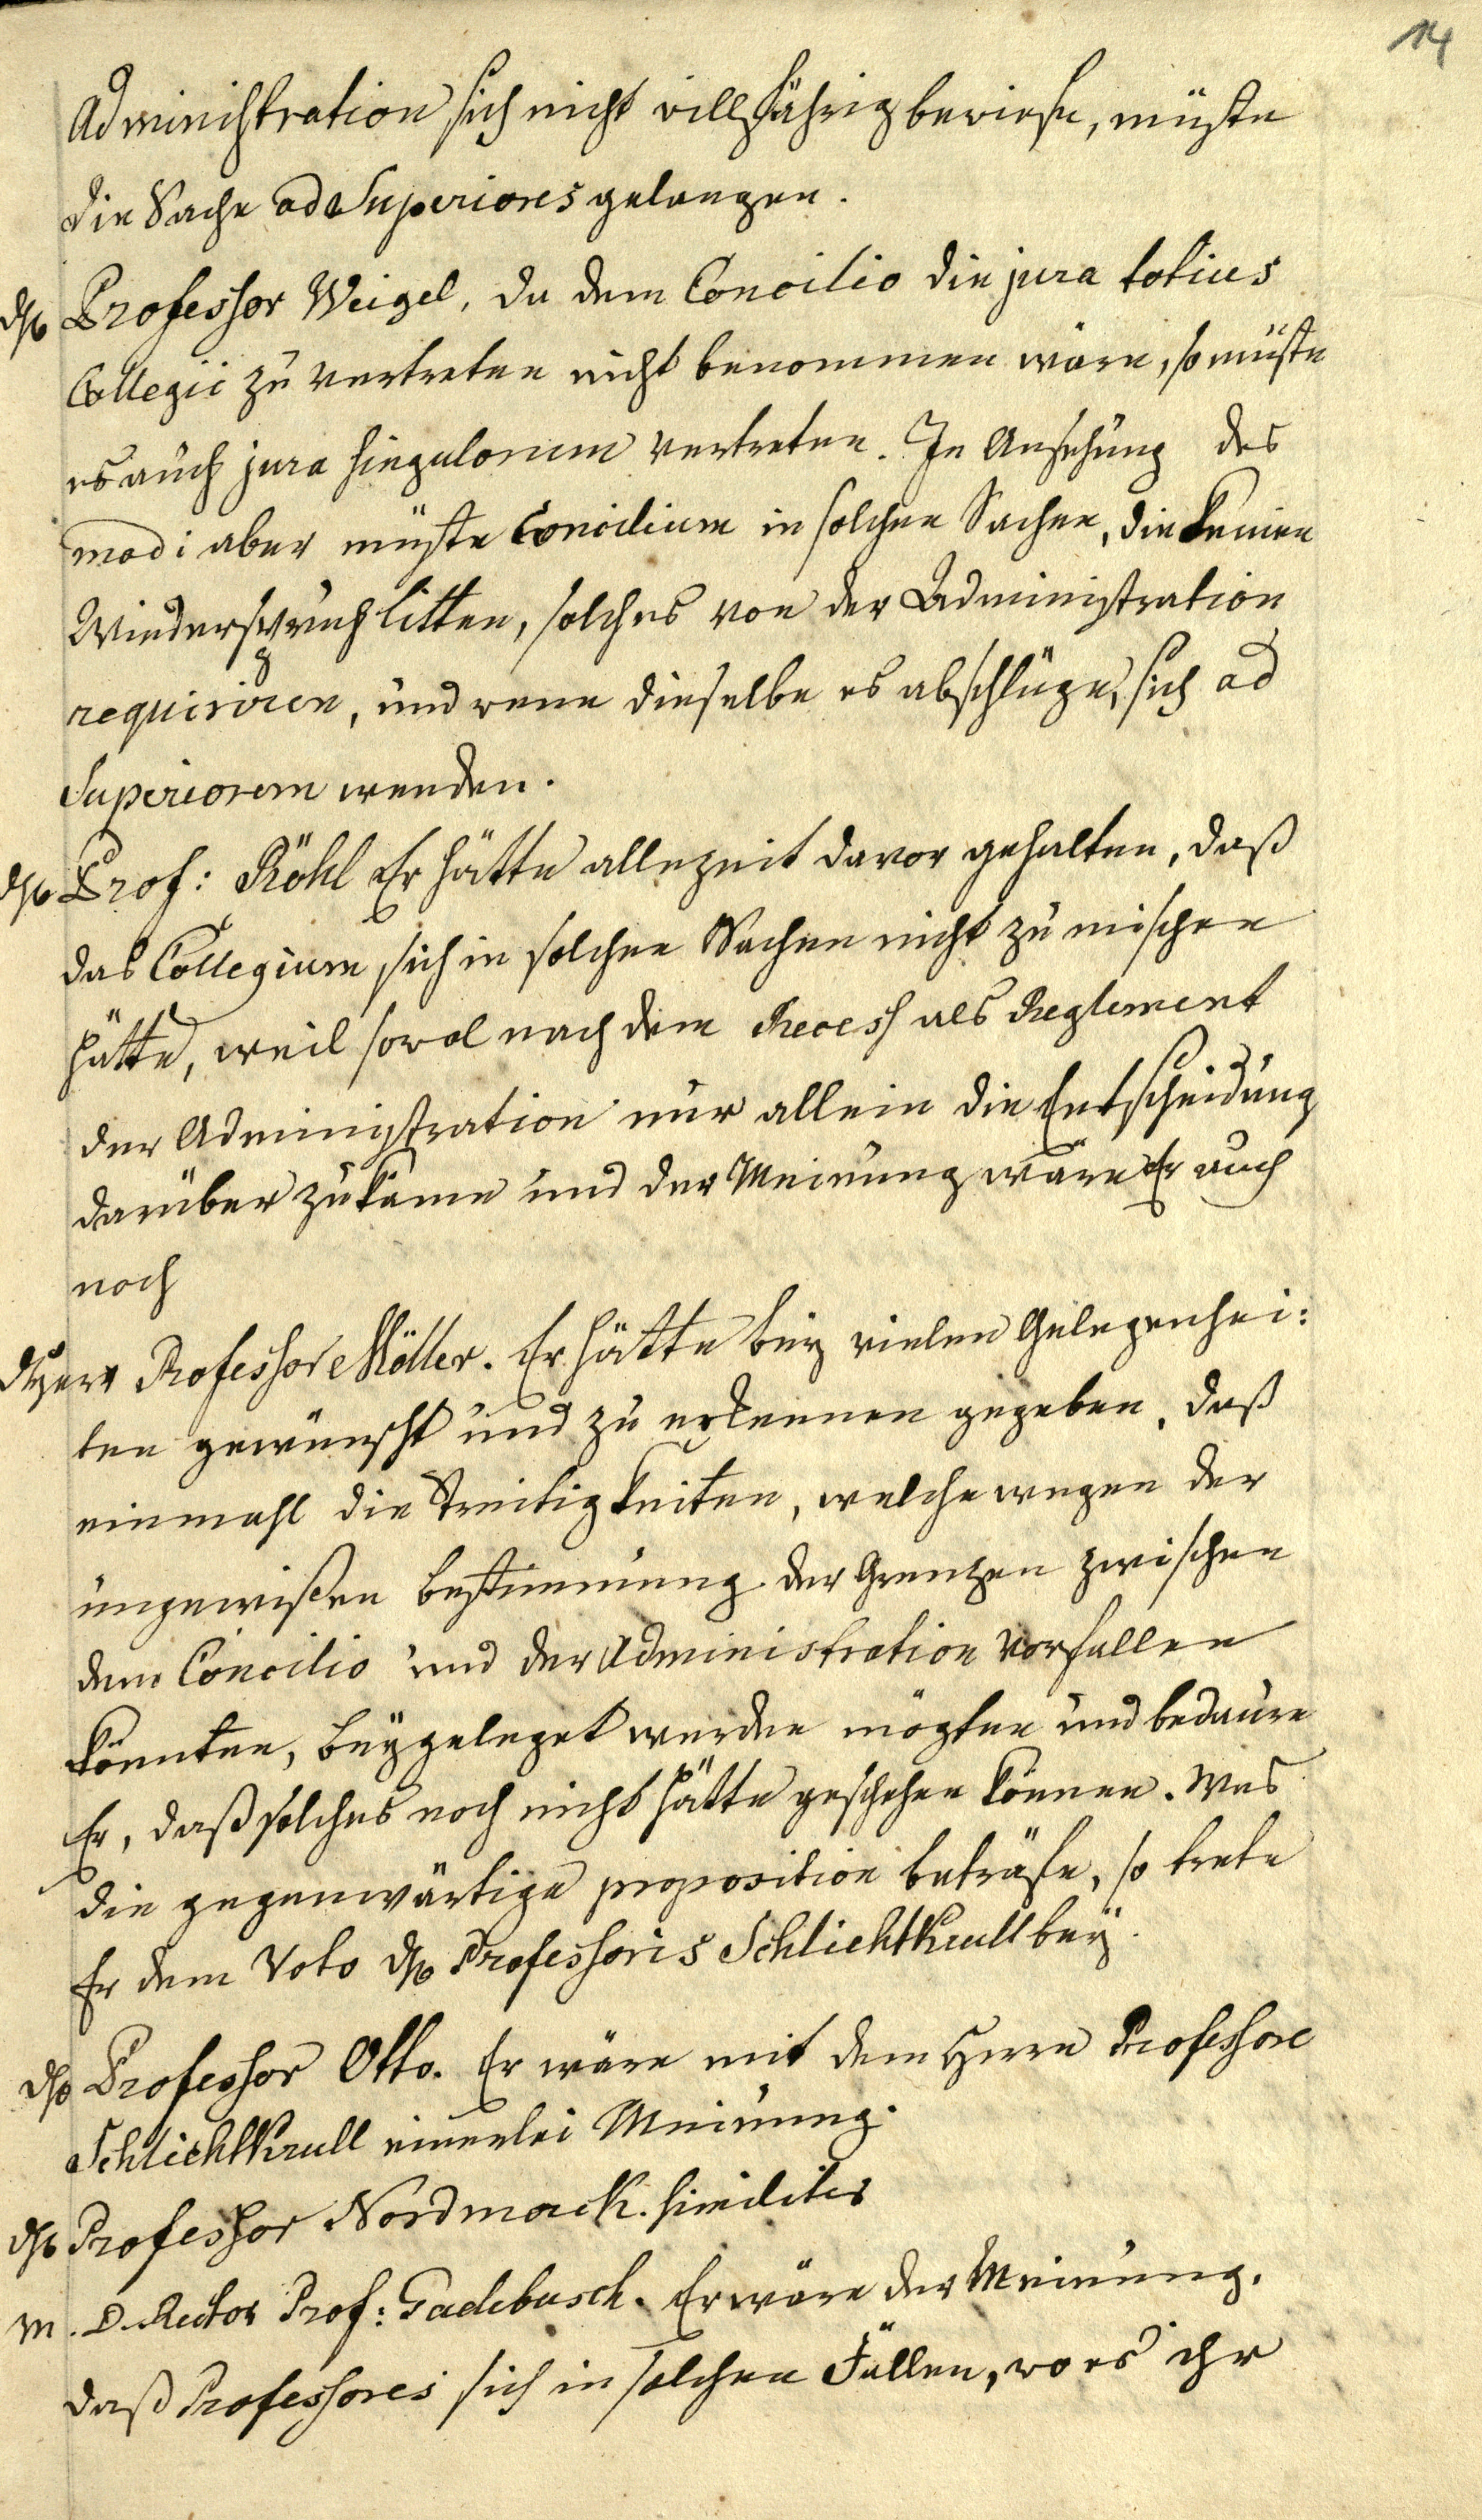Administration sich nicht willfährig bewiese, müste
die Sache ad Superiores gelangen.
dh Professor Weigel, Da dem Concilio die jura totius
Collegii zu vertreten nicht benommen wäre, so müste
es auch jura singulorum vertreten. In Ansehung des
modi aber müste Concilium in solchen Sachen, die keinen
Wiederspruch litten, solches von der Administration
requiriren, und wenn dieselbe es abschlüge, sich ad
Superiorum wenden.
das Prof. Röhl Er hätte allezeit davor gehalten, daß
das Collegium sich in solchen Sachen nicht zu mischen
hätte, weil sowol nach dem Recess als Reglement
der Administration nur allein die Entscheidung
darüber zu käme und der Meinung wäre Er auch
noch
dHerr Professor Möller. Er hätte beÿ vielen Gelegenhei¬
ten gewünscht und zu erkennen gegeben, daß
einmahl die Streitigkeiten, welche wegen der
unmigewißen Bestimmung der Grenzen zwischen
dem Concilio und der Administration vorfallen
könnten, beÿgeleget werden mögten und bedaure
Er, daß solches noch nicht hätte geschehen können. Was
die gegenwärtige proposition beträfe, so trete
Er dem Voto dh Professoris Schlichtkrull beÿ.
dh Professor Otto. Er wäre mit dem Herrn Professore
Schlichtkrull einerlei Meinung.
dh Professor Nordmarck similiter.
M. D. Rector Prof. Gadebusch. Er wäre der Meinung,
daß Professores sich in solchen Fällen, wo es ihr